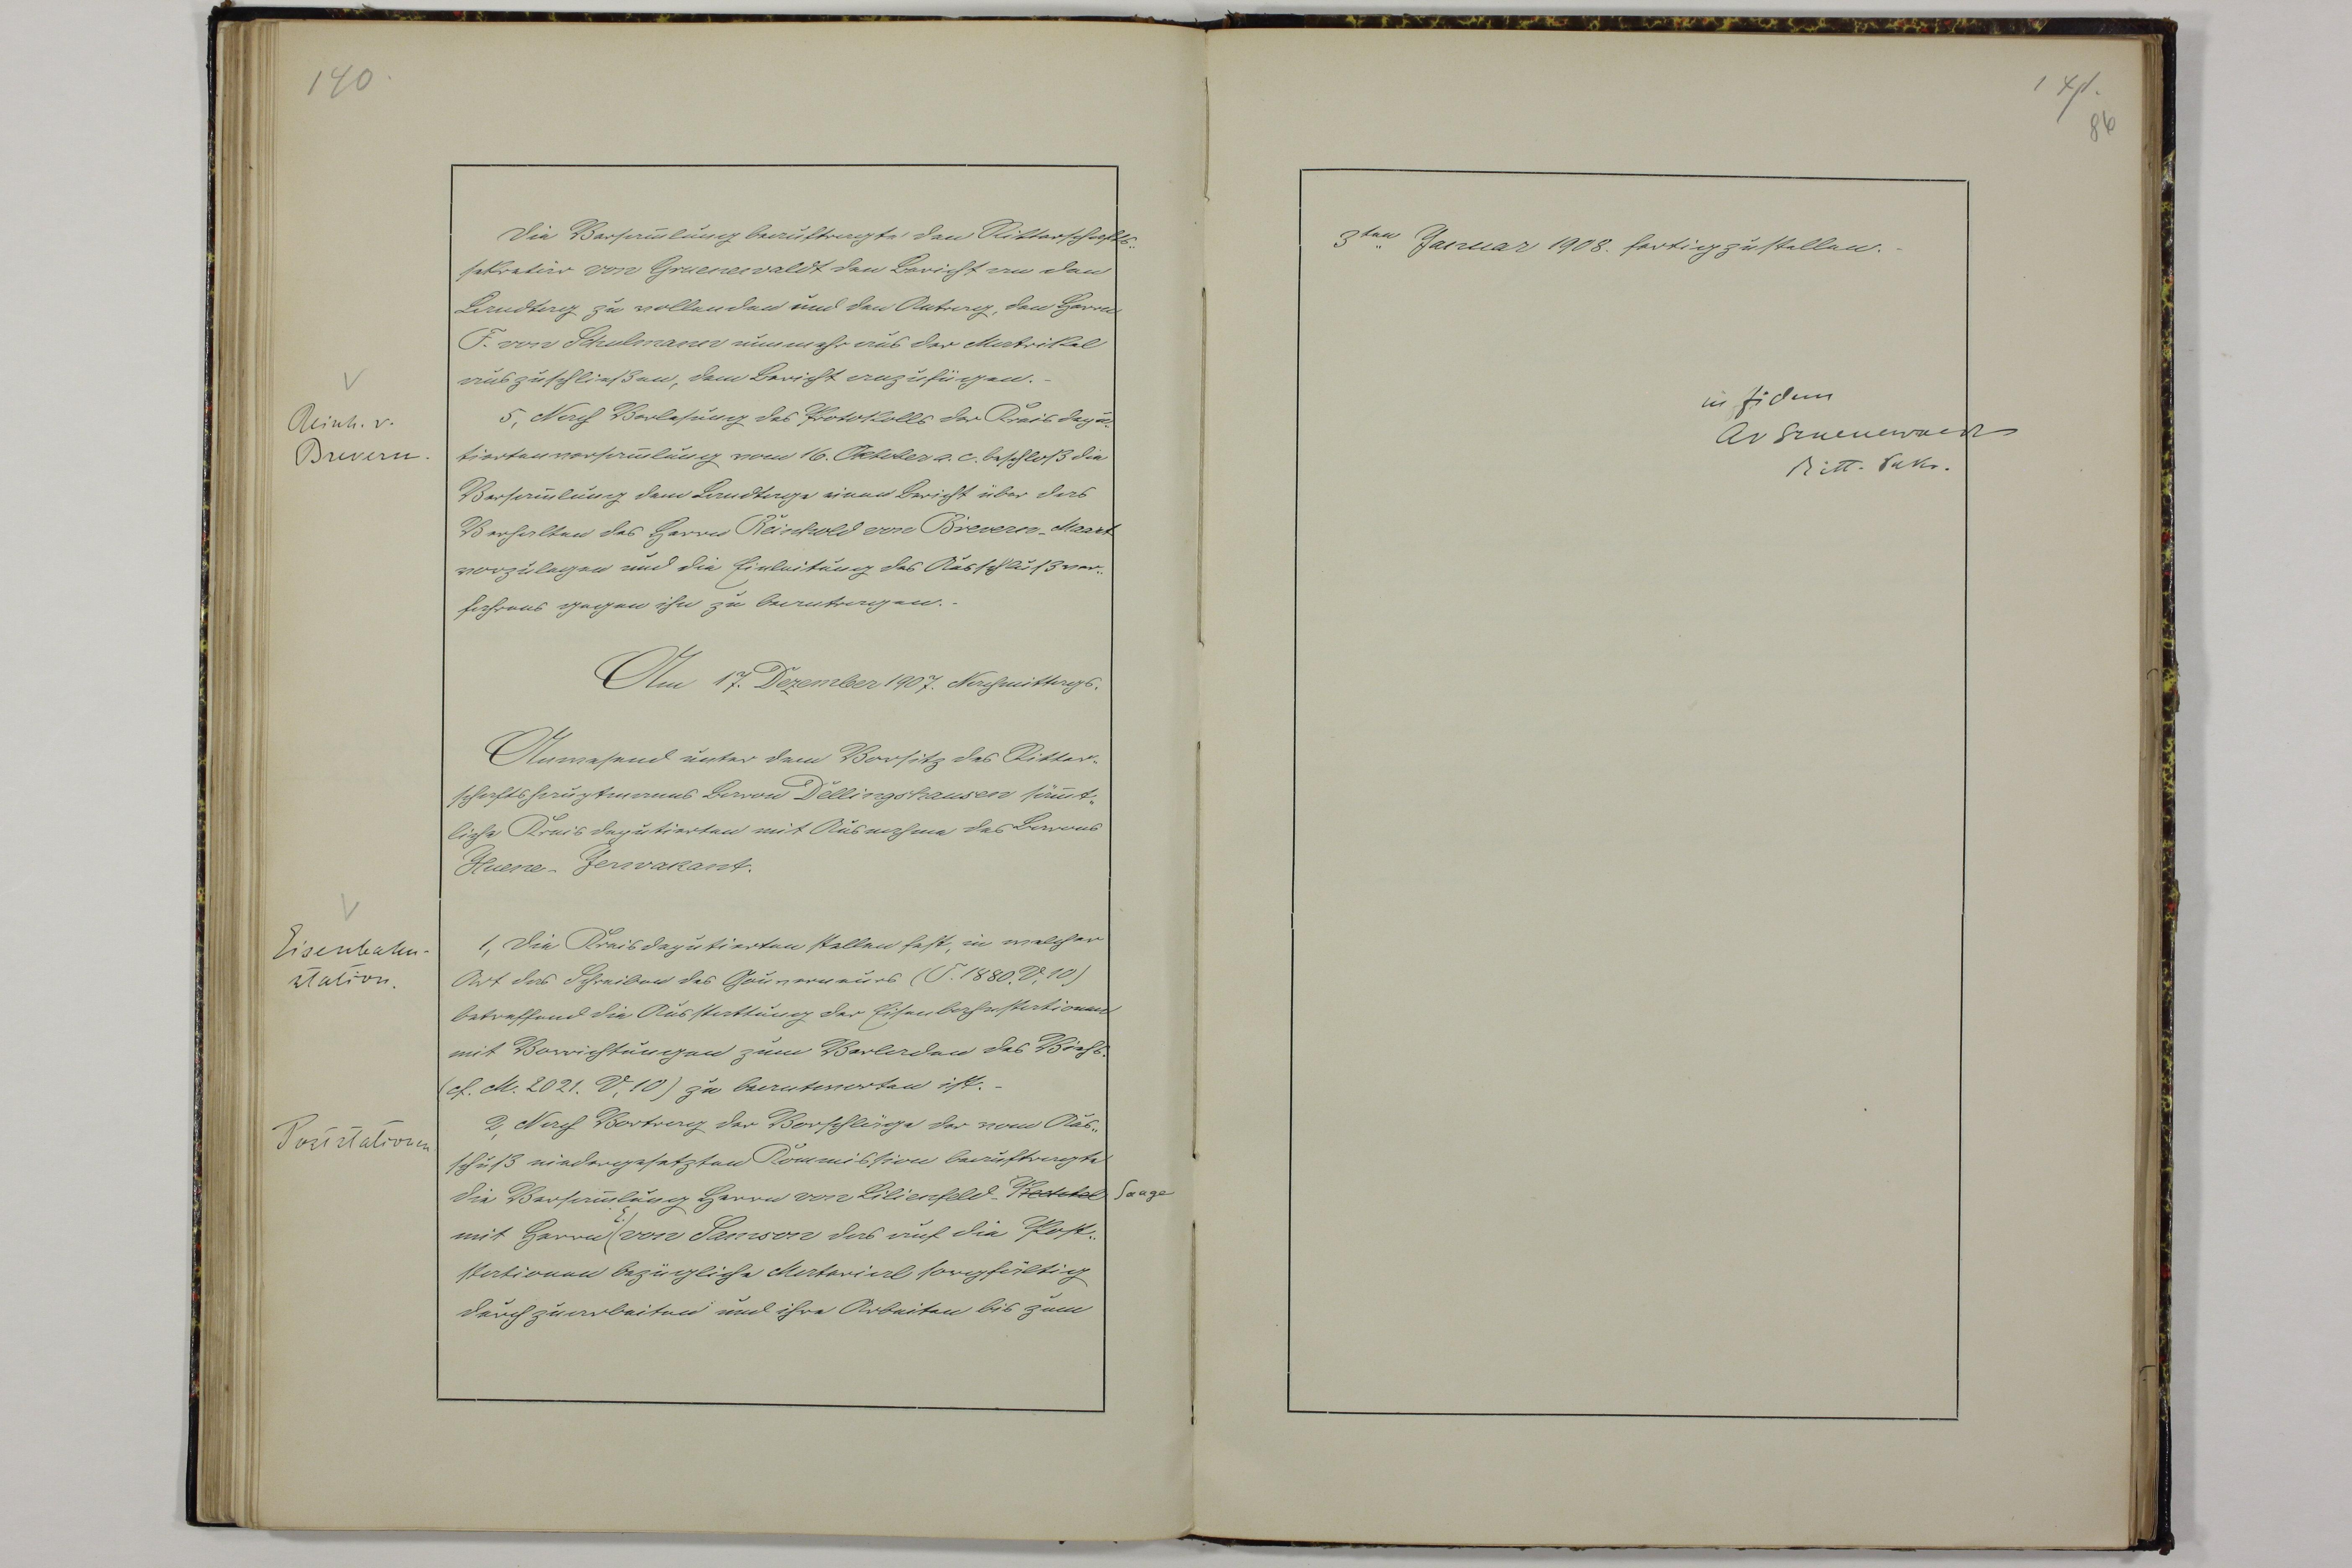Reinh. v.
Brevern
Eisenbahn
station.
Poststationen
Die Versammlung beauftragte den Ritterschafts-
sekretär von Gruenewaldt den Bericht an den
Landtag zu vollenden und den Antrag, den Herrn
F. von Schulmann nunmehr aus der Matrikel
auszuschließen, dem Bericht anzufügen.
5. Nach Verlesung des Protokolls der Kreisdepu-
tiertenversammlung vom 16. Oktober a.c. beschloß die
Versammlung dem Landtage einen Bericht über das
Verhalten des Herrn Reinhold von Brevern-Maart
vorzulegen und die Einleitung des Ausschlußver-
fahrens gegen ihn zu beantragen.
Am 17. Dezember 1907. Nachmittags.
Anwesend unter dem Vorsitz des Ritter-
schaftshauptmanns Baron Dellingshausen sämmt-
liche Kreisdeputierten mit Ausnahme des Barons
Huene-Jerwakant.
1. Die Kreisdeputierten stellen fest, in welcher
Art das Schreiben des Gouverneurs (T.1880. V.10)
betreffend die Ausstattung der Eisenbahnstationen
mit Vorrichtungen zum Verladen des Viehs
(cf. M.2021. V.10) zu beantworten ist.
2. Nach Vortrag der Vorschläge der vom Aus-
schuß niedergesetzten Kommission beauftragte
die Versammlung Herrn von Lilienfeld-Kechtel Saage,
E.
mit Herrn von Samson das auf die Post-
stationen bezügliche Material sorgfältig
durchzuarbeiten und ihre Arbeiten bis zum
3ten Januar 1908. fertigzustellen.
in fidem
Av Gruenewaldt
Ritt. Sekr.